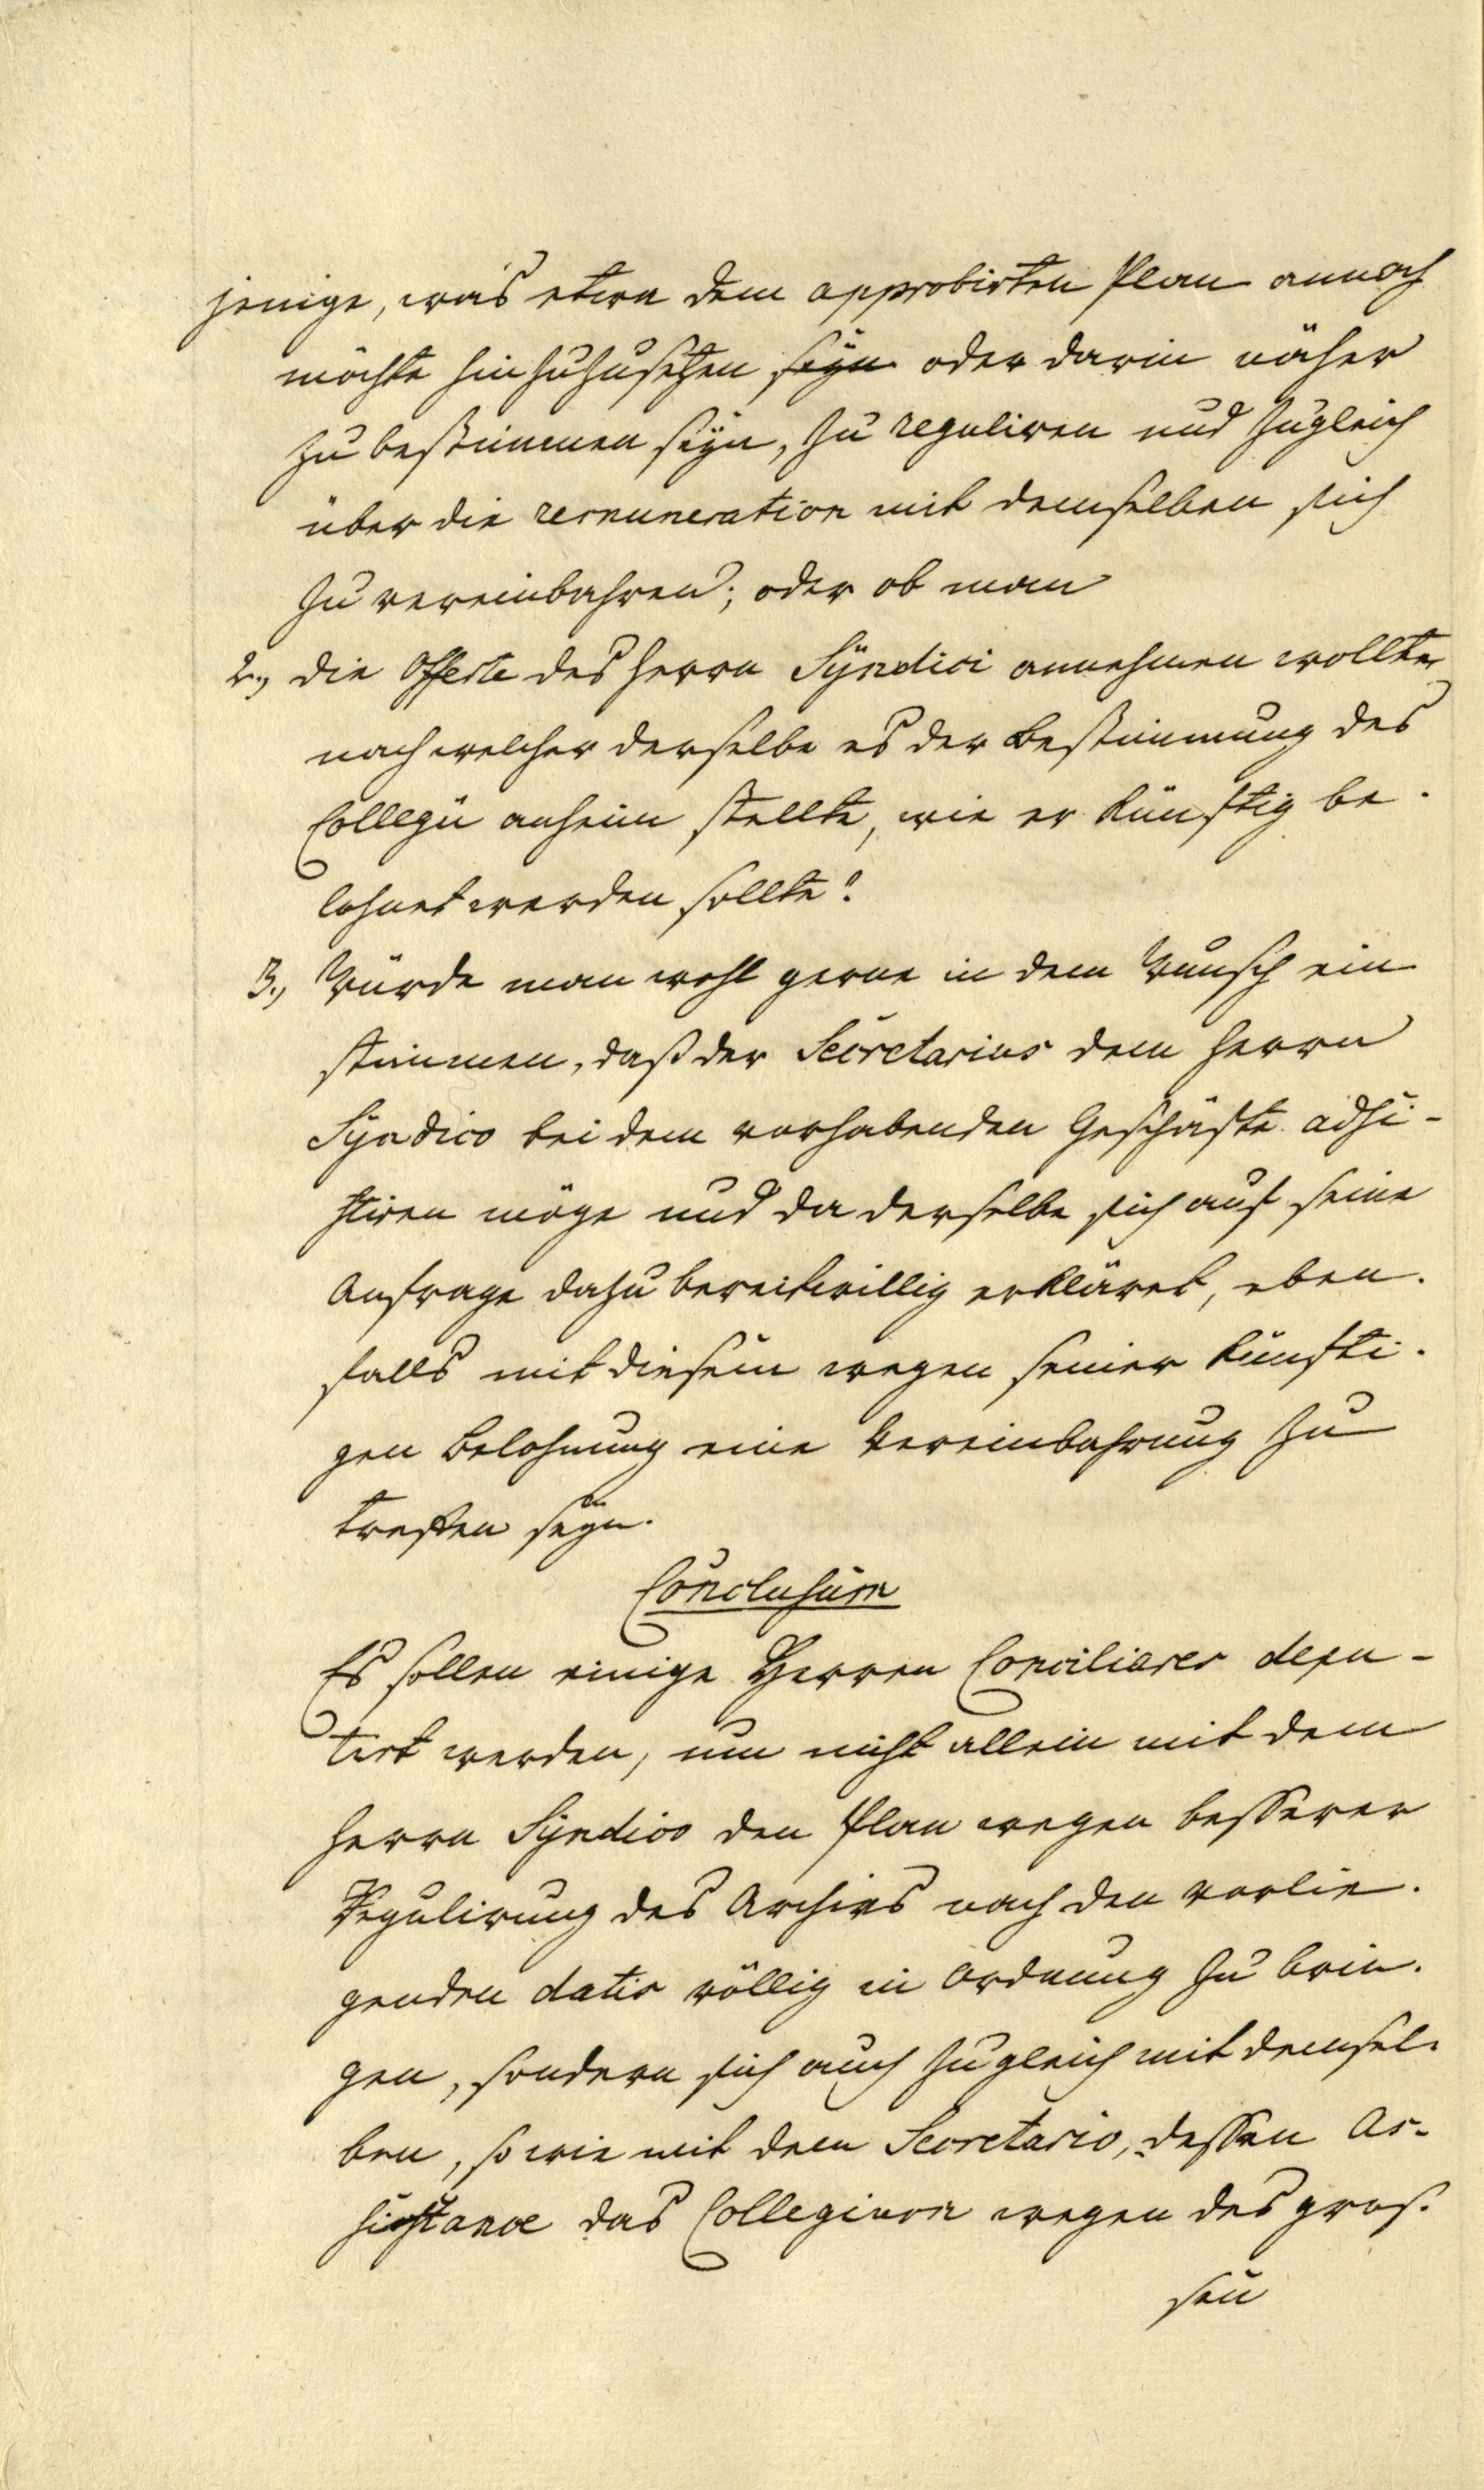jenige, was etwa dem approbirten Plan annoch
möchte hinzuzusetzen seÿn oder darin näher
zu bestimmen seÿn, zu reguliren und zugleich
über die remuneration mit demselben sich
zu vereinbahren; oder ob man
2., die Offerte des Herrn Sÿndici annehmen wollte,
nach welcher derselbe es der Bestimmung des
Collegii anheim stellte, wie er künftig be¬
lohnet werden sollte?
3., Würde man wohl gerne in dem Wunsch ein¬
stimmen, daß der Secretarius dem Herrn
Sÿndico bei dem vorhabenden Geschäfte adhi¬
stiren möge und da derselbe sich auf seine
Anfrage dazu bereitwillig erkläret, eben¬
falls mit diesem wegen seiner künfti¬
gen Belohnung eine Vereinbahrung zu
treffen seÿn.
Conclusum
Es sollen einige Herren Conciliares depu¬
tirt werden, um nicht allein mit dem
Herrn Sÿndico den Plan wegen besserer
Regulirung des Archivs nach den vorlie¬
genden datis völlig in Ordnung zu brin¬
gen, sondern sich auch zugleich mit demsel¬
ben, so wie mit dem Secretario, dessen As¬
sistance das Collegium wegen des gros¬
sen